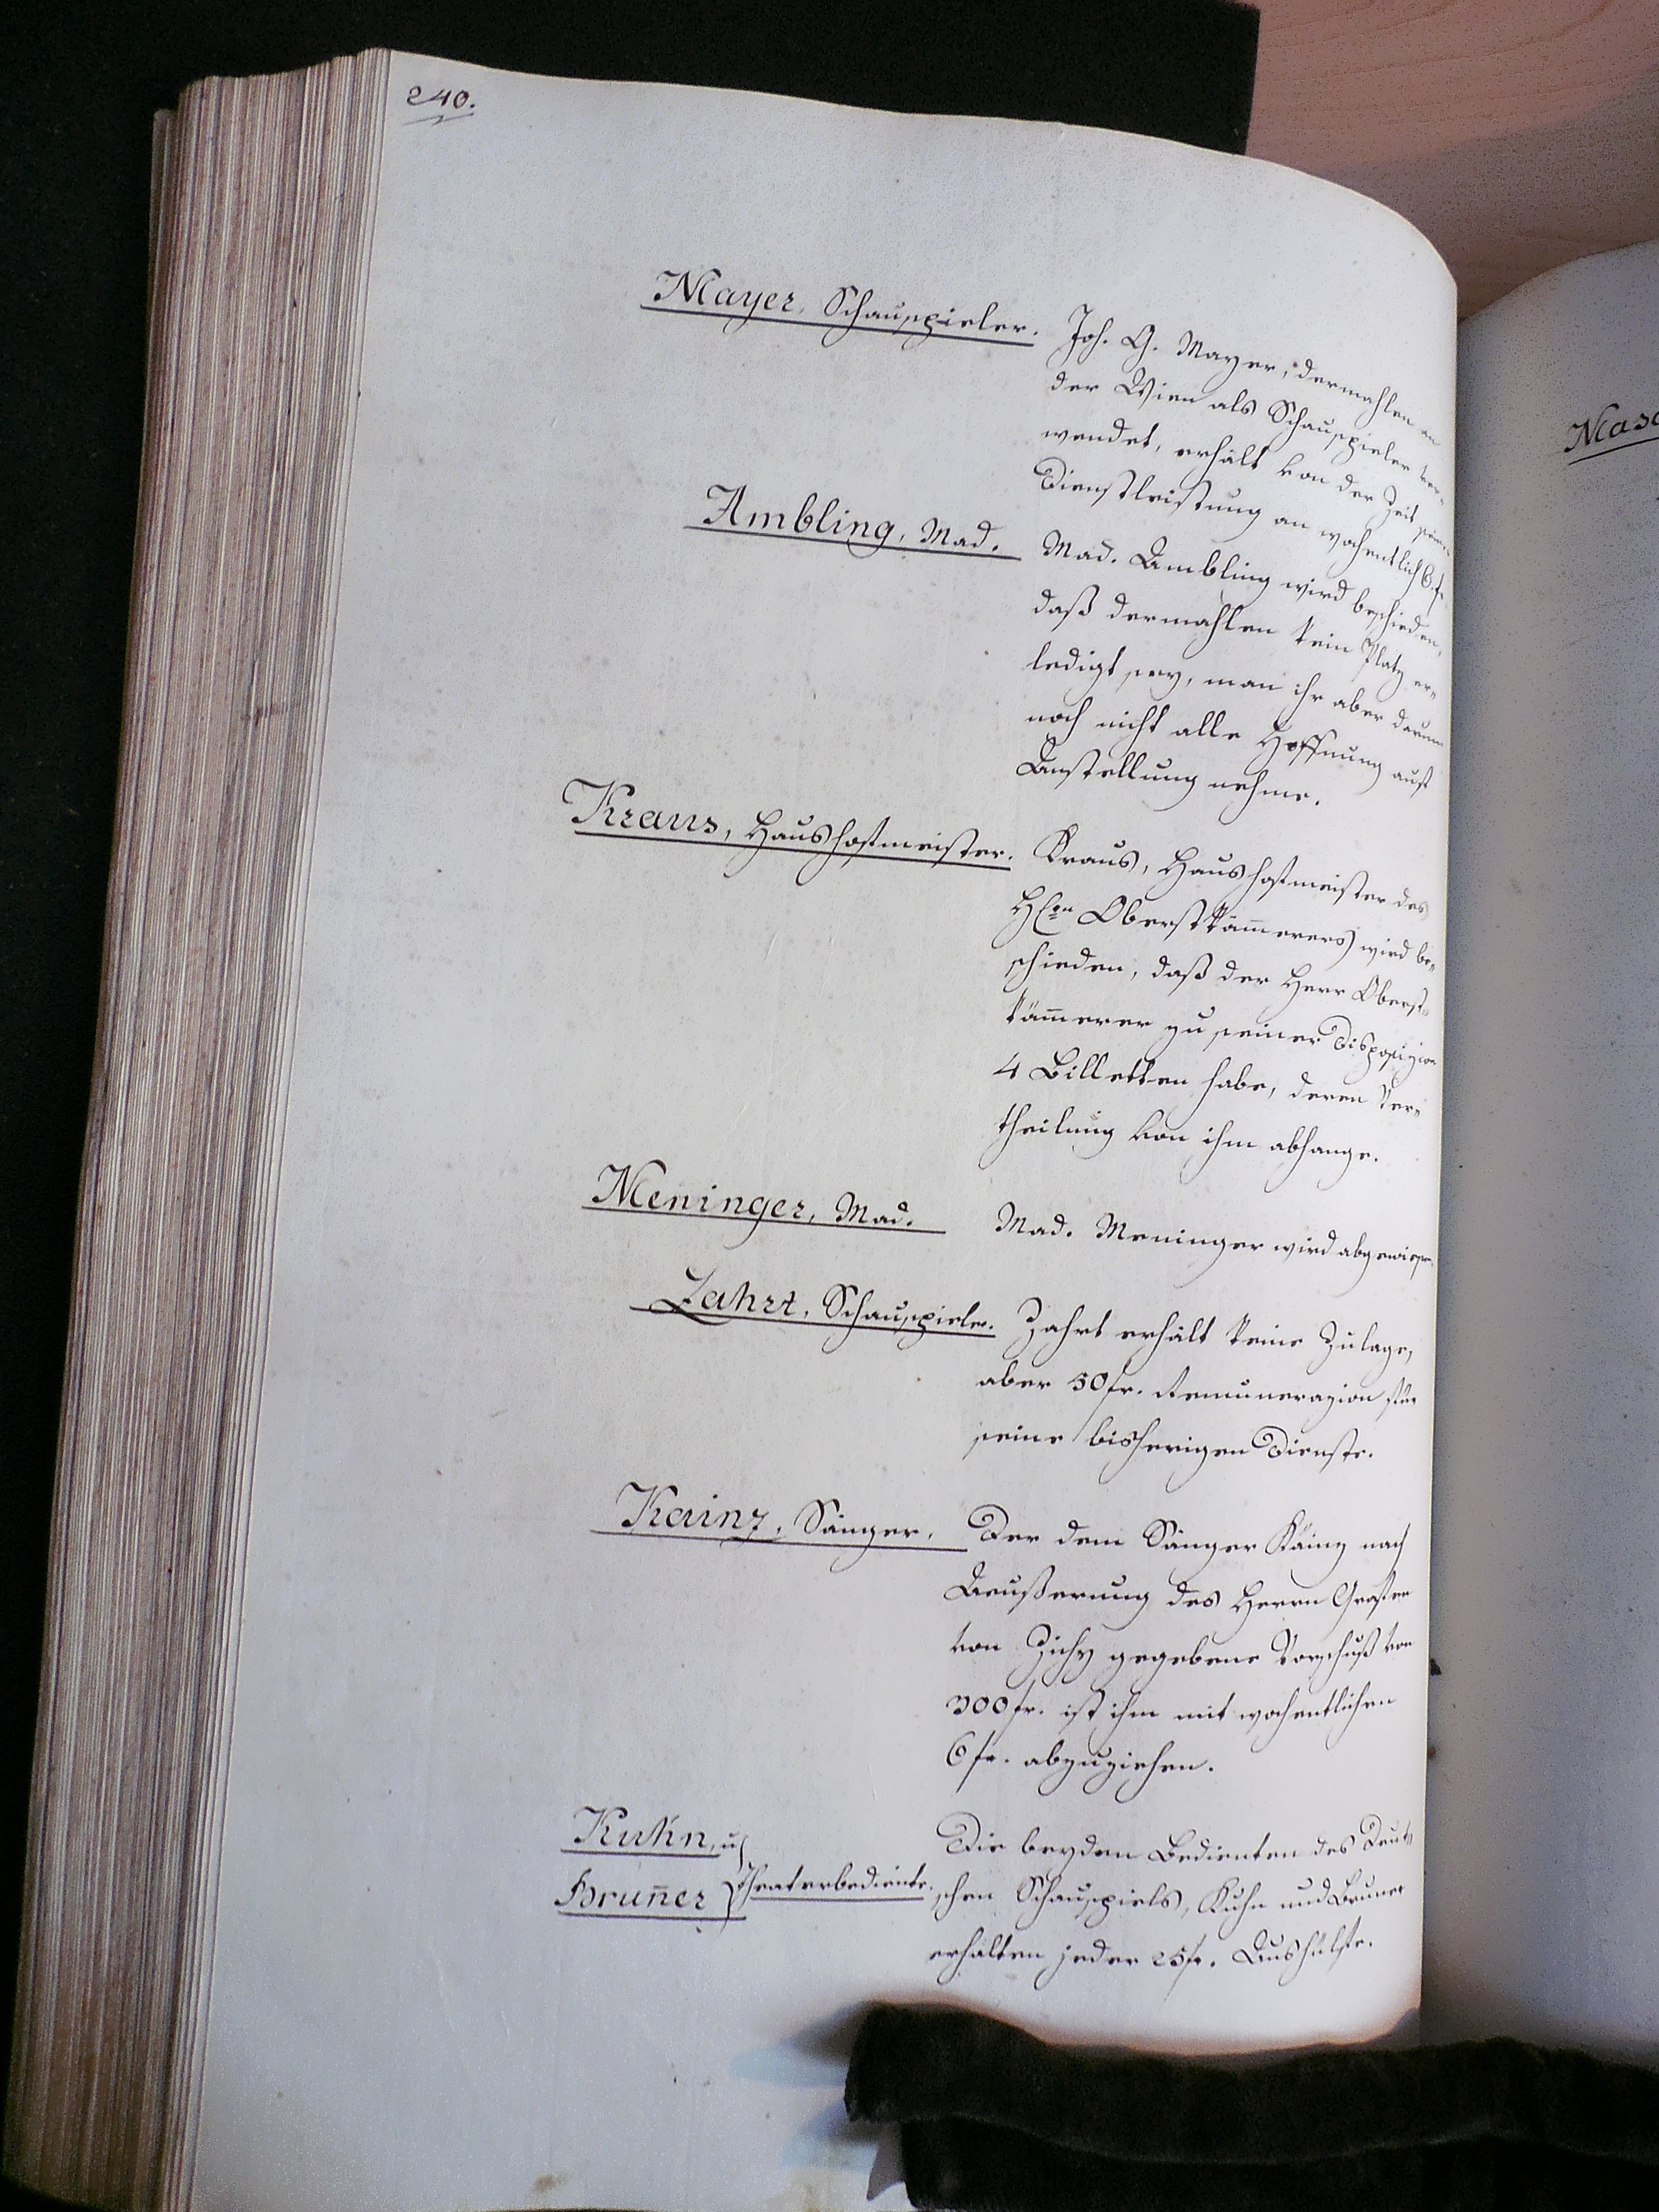240.
Mayer, Schauspieler. Joh. G. Mayer ,dermahlen an
der Wien als Schauspieler ver¬
wendet, erhält von der Zeit seiner
Dienstleistung an wochentlich 6 fr.
Ambling, Mad. Mad. Ambling wird beschieden,
daß dermahlen kein Platz er¬
ledigt sey, man ihr aber darum
noch nicht alle Hoffnung auf
Anstellung nehme.
Kraus, Haushofmeister. Kraus, Haushofmeisten des
HEr͇n Oberstkäm̅erers wird be¬
schieden, daß der Herr Oberst¬
käm̅erer zu seiner Disposizion
4 Billetten habe, deren Ver¬
theilung von ihm abhange.
Meninger, Mad. Mad. Meninger wird abgewiesen.
Zahrt, Schauspieler. Zahrt erhält keine Zulage,
aber 50fr. Remunerazion für
seine bisherigen Dienste.
Kainz, Sänger. Der dem Sänger Kainz nach
Aeußerung des Herrn Grafen
von Zichy gegebene Vorschuß von
300fr. ist ihm mit wochentlichen
6fr.abzuziehen.
Kuhn, u
Brun̅er
Theaterbediente.
Die beyden Bedienten das Deut¬
schen Schauspiels, Kuhn und Brun̅er
erhalten jeder 25fr. Aushülfe.